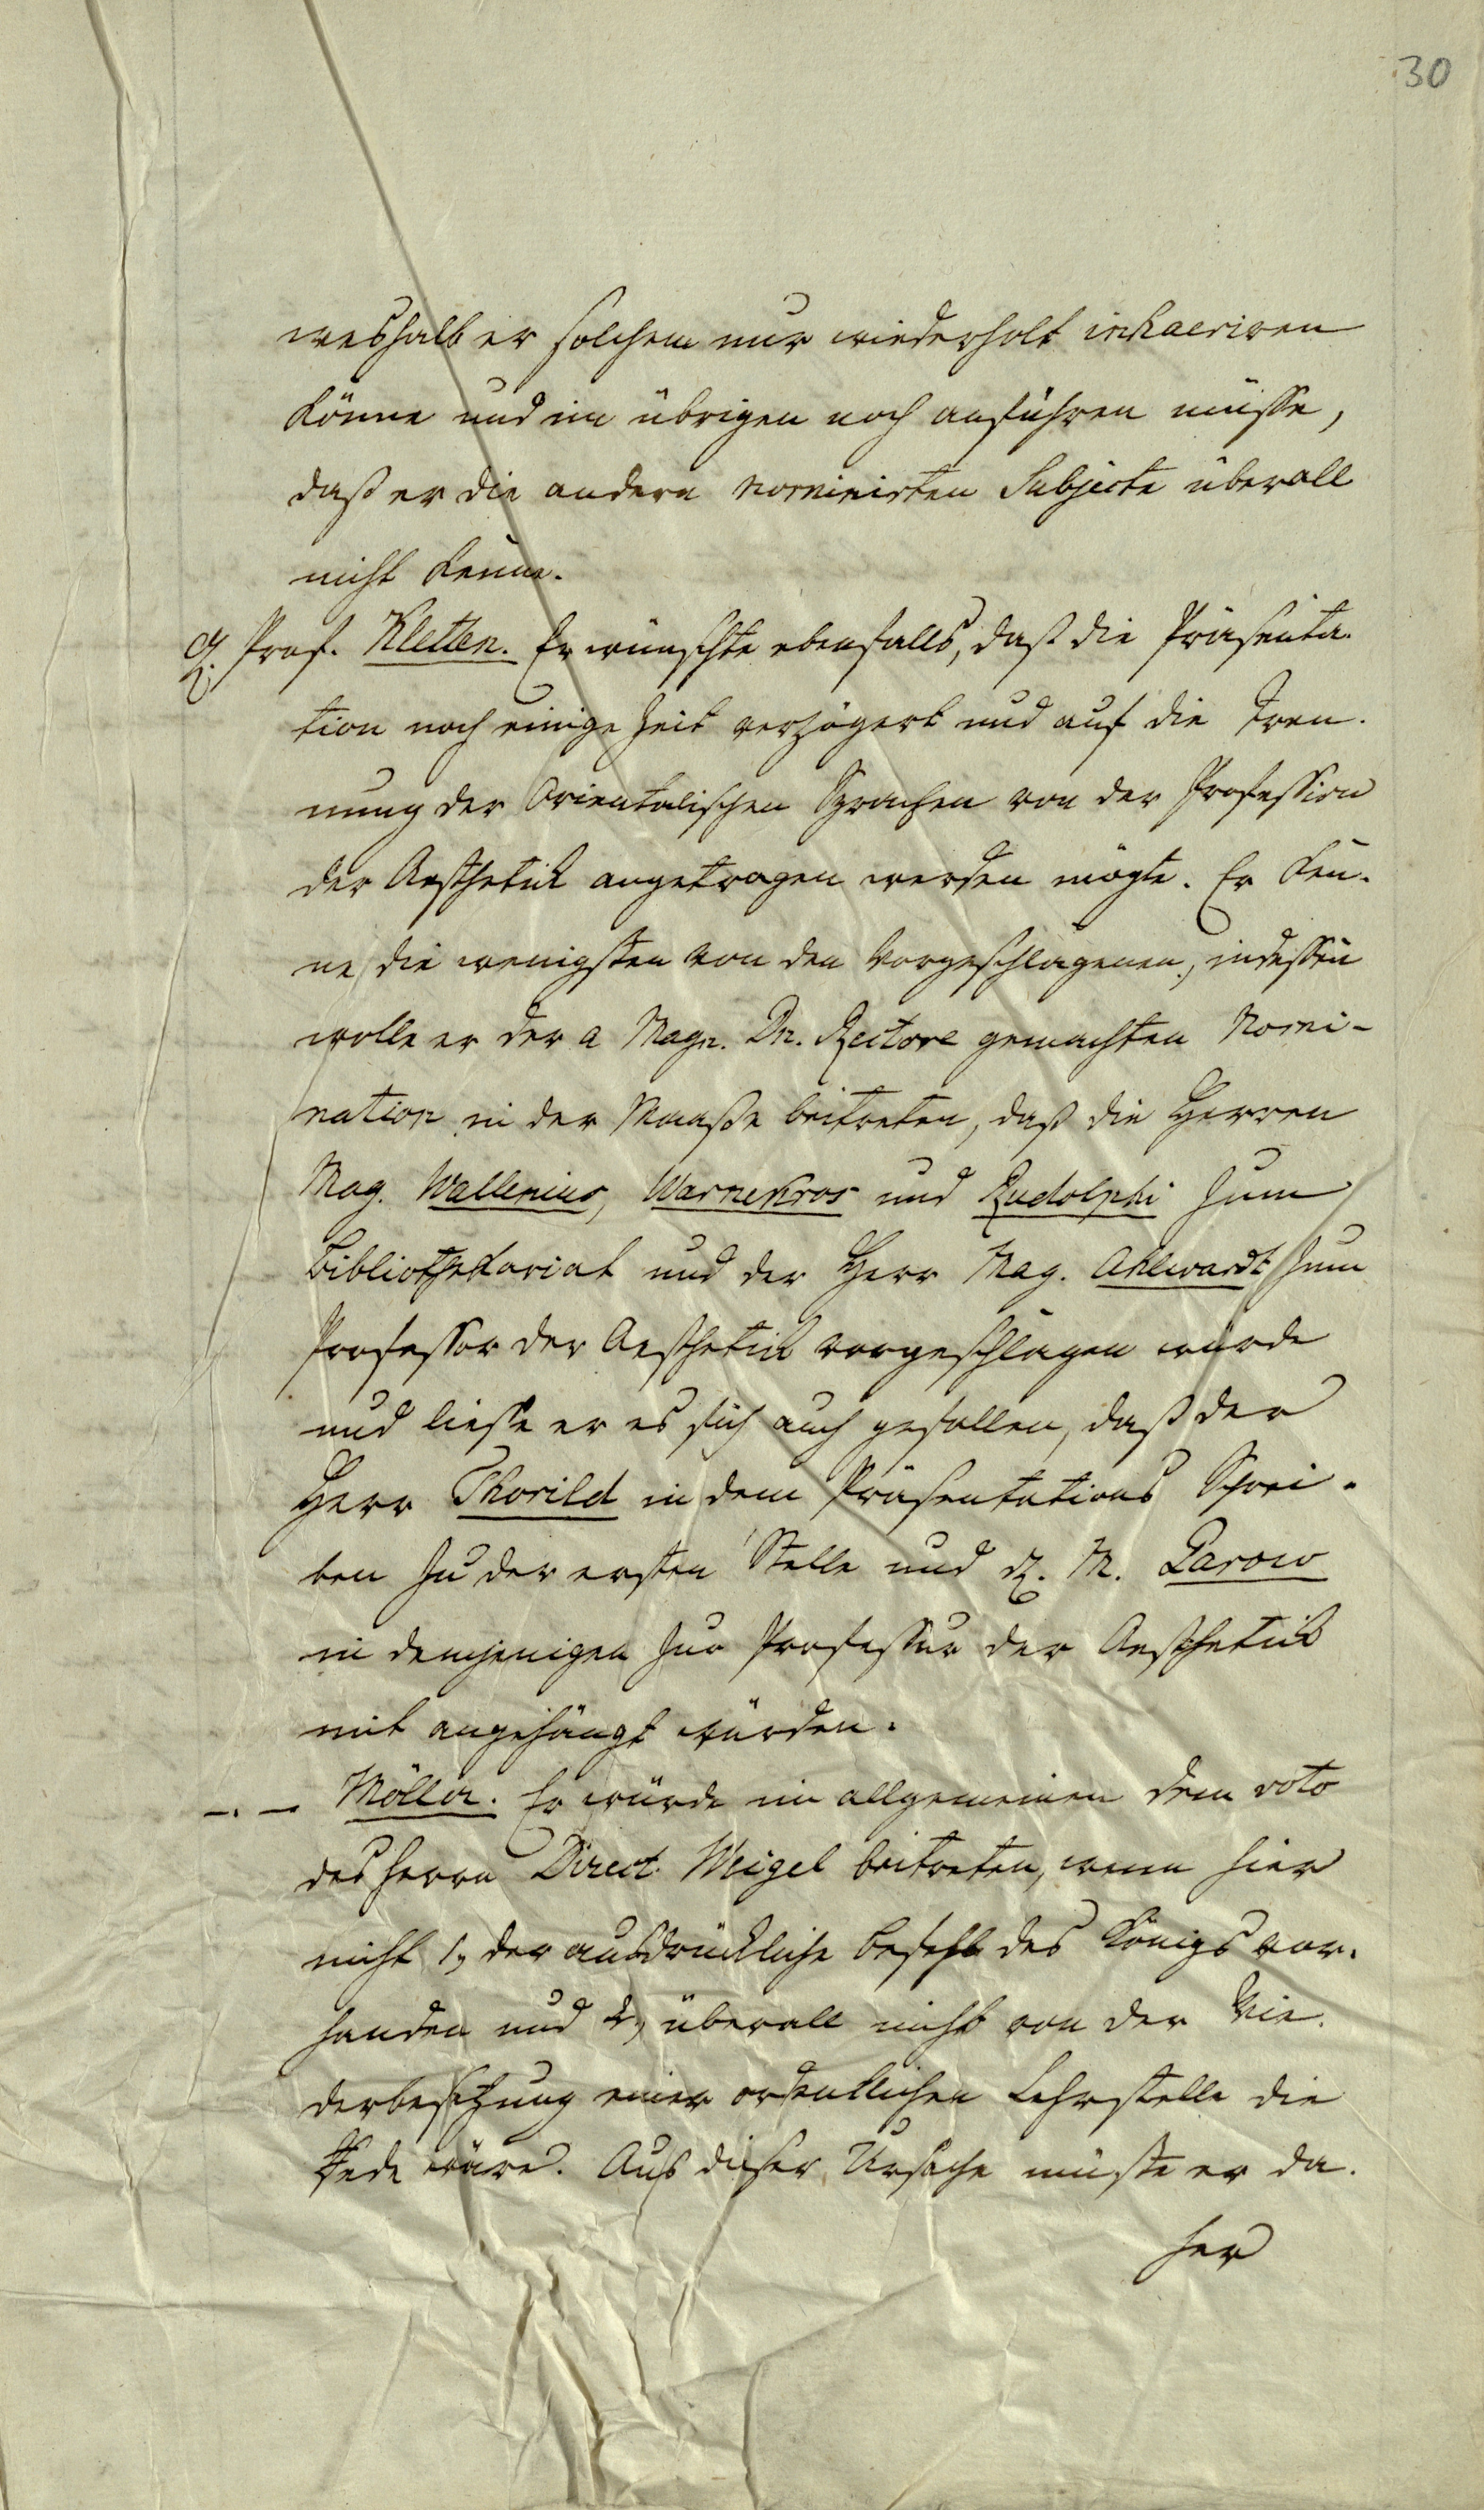weshalb er solchem nur wiederholt inhaeriren
könne und im übrigen noch anführen müsse,
daß er die andere nominirten Subjecte überall
nicht kenne.
dh. Prof. Kletten. Er wünschte ebenfalls, daß die Präsenta¬
tion noch einige Zeit verzögert und auf die Tren¬
nung der Orientalischen Sprachen von der Profession
der Aesthetick angetragen werden mögte. Er ken¬
ne die wenigsten von den vorgeschlagenen; indessen
wolle er der a Magn. Dn. Rectore gemachten Nomi¬
nation in der Maaße beitreten, daß die Herren
Mag. Wallenius, Warneckros und Rudolphi zum
Bibliothekariat und der Herr Mag. Ahlwardt zum
Professor der Aesthetick vorgeschlagen würde
und liesse er es sich auch gefallen, daß der
Herr Thorild in dem Präsentations Schrei¬
ben zu der ersten Stelle und dh. M. Larow
in demjenigen zur Professur der Aesthetick
mit angehängt würden.
— " — Möller. Er würde im allgemeinen dem voto
des Herrn Direct. Weigel beitreten, wenn hier
nicht 1., der ausdrückliche Befehl des Königs vor¬
handen und 2., überall nicht von der Wie¬
derbesetzung einer ordentlichen Lehrstelle die
Rede wäre. Aus dieser Ursache müsste er da¬
her